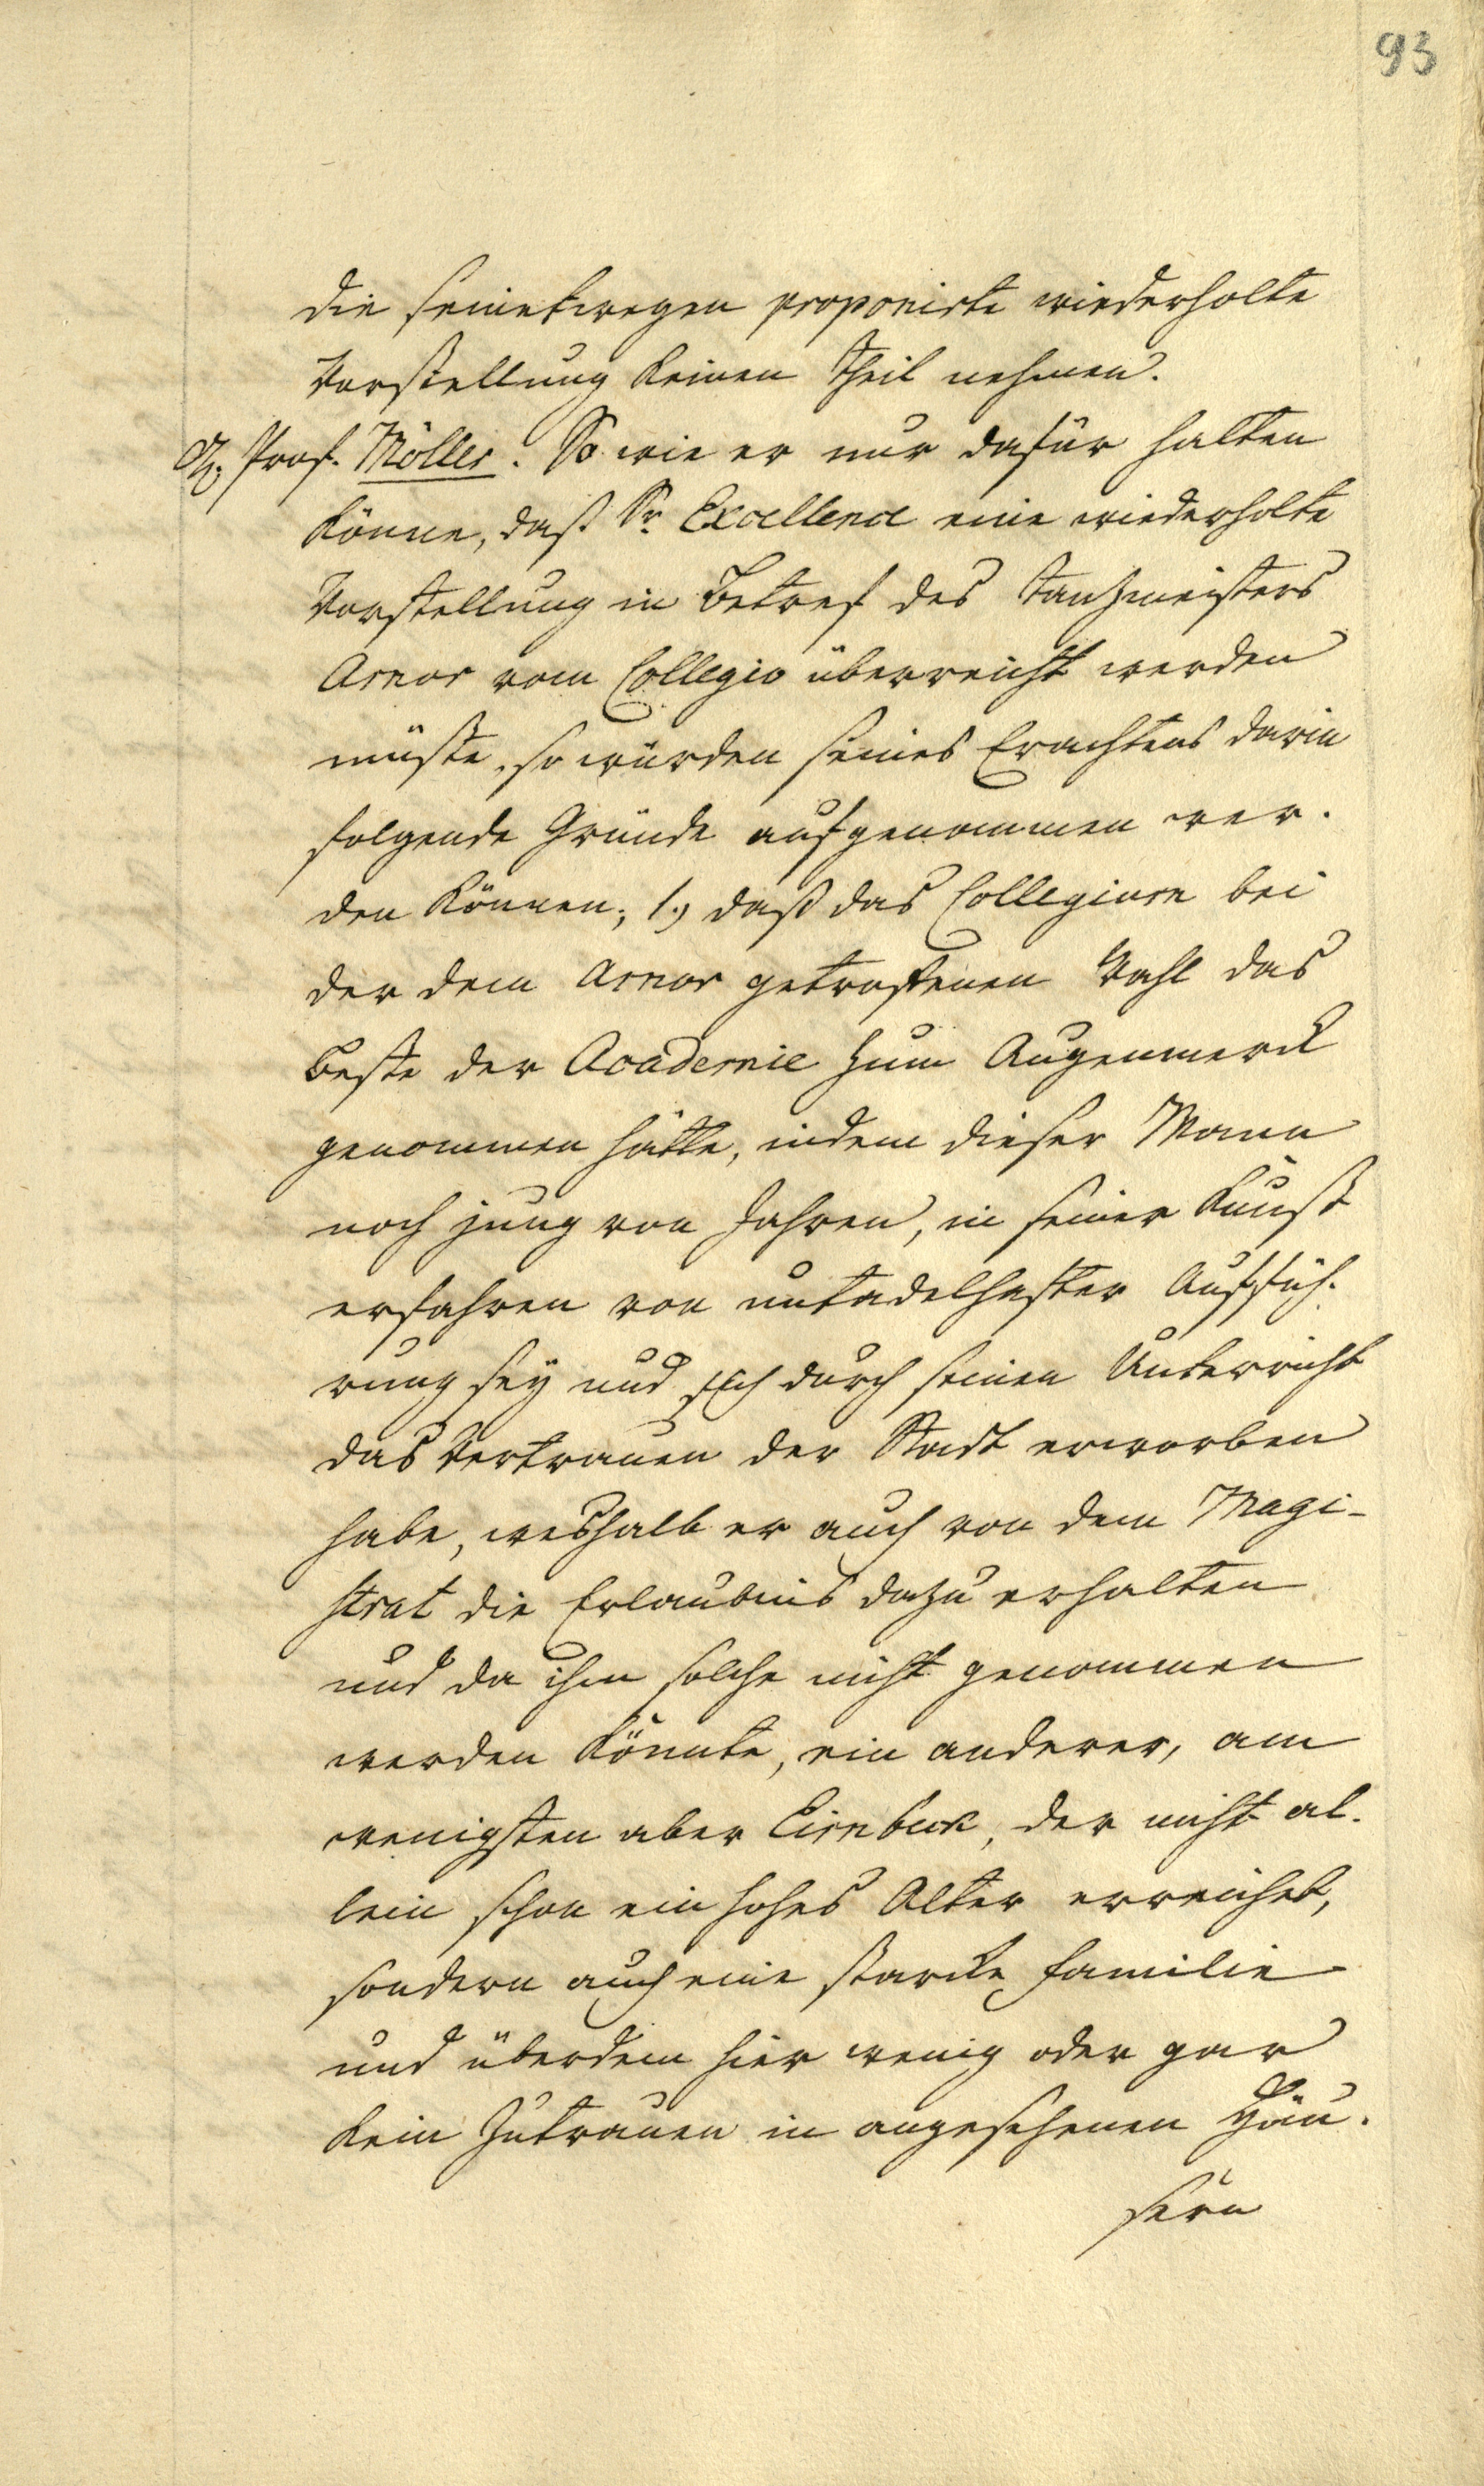die seinetwegen proponirte wiederholte
Vorstellung keinen Theil nehmen.
dh. Prof. Möller. So wie er nur dafür halten
könne, daß Sr Excellence eine wiederholte
Vorstellung in Betref des Tanzmeisters
Amor vom Collegio überreicht werden
müßte, so würden seines Erachtens darin
folgende Gründe aufgenommen wer¬
den können; 1., daß das Collegium bei
der dem Amor getroffenen Wahl das
Beste der Academie zum Augenmerck
genommen hätte, indem dieser Mann
noch jung von Jahren, in seiner Kunst
erfahren von untadelhafter Auffüh¬
rung sey und sich durch seinen Unterricht
das Vertrauen der Stadt erworben
habe, weshalb er auch von dem Magi¬
strat die Erlaubnis dazu erhalten
und da ihm solche nicht genommen
werden könnte, ein anderer, am
wenigsten aber Eimbeck, der nicht al¬
lein schon ein hohes Alter erreichet,
sondern auch eine starcke Familie
und überdem hier wenig oder gar
kein Zutrauen in angesehenen Häu¬
sern